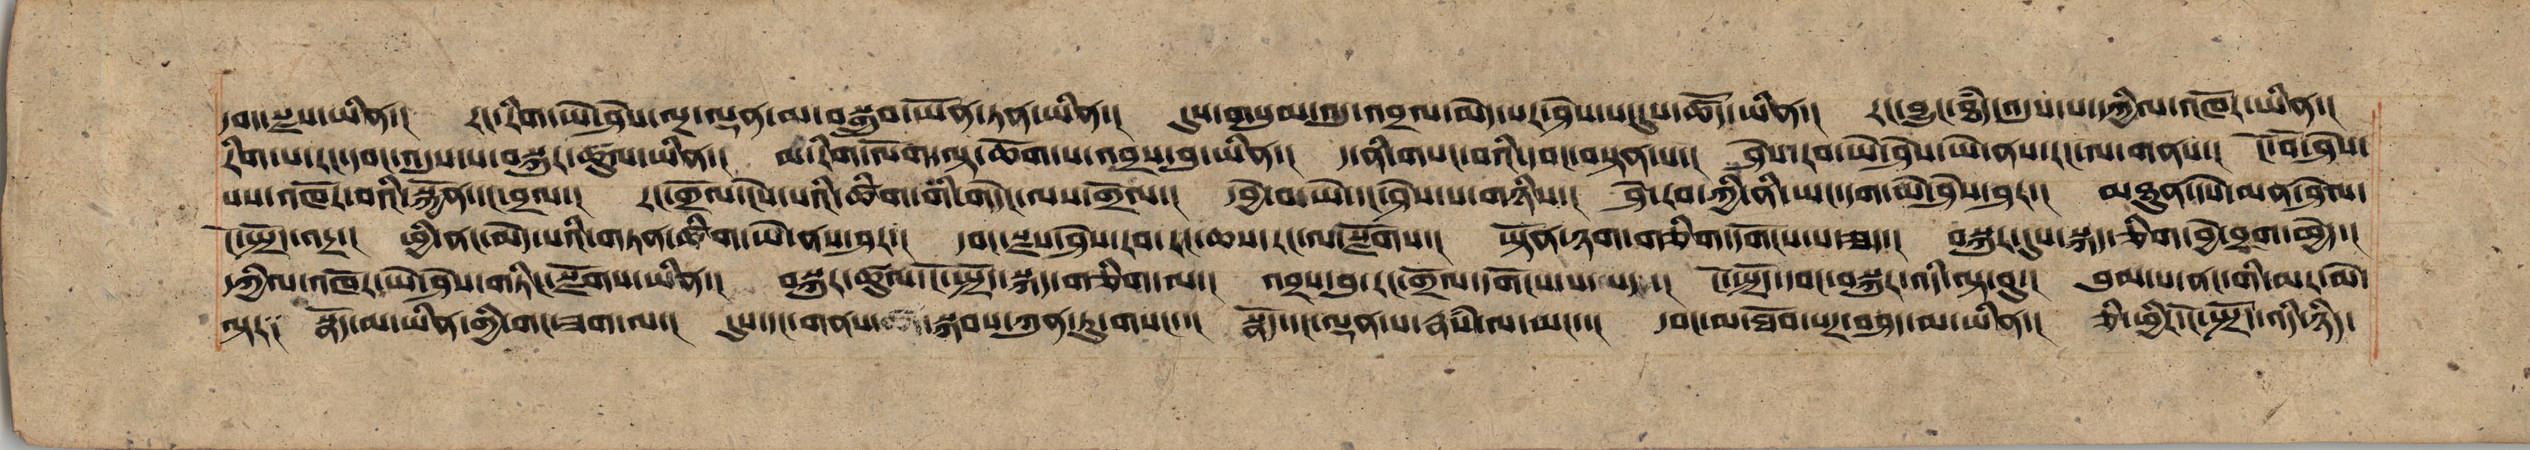དབང་སྫས་ཡིན་། རང་རིག་ཡེ་ཤེས་ལྔ་ལྡན་མ་བསྒྲུབ་ཡོན་ཏན་ཡིན་། དུས་གསུམ་འདུ་འབྲལ་མེད་པར་ཤེས་པ་དུས་ཚོད་ཡིན་། རང་བྱུང་ཐཾད་འདུས་པ་དཀྱིལ་འཁོར་ཡིན་།
རིག་པ་རང་དབང་འདུས་པ་བསྐུར་ཚུལ་་ཡིན་། མ་རིག་ལོག་ལྟ་ཆོག་པ་འབྲས་བུ་ཡིན་། ད་ནི་གསང་བའི་དབང་བསྟན་པ་། ཤེས་རབ་ཡེ་ཤེས་ཡེ་ནས་རང་ལ་གནས་། ངོ་བོ་ཤེས་
པས་འཁོར་བའི་སྐྱོན་དང་བྲལ་། རང་གྲོལ་ངེས་པའི་ཚིག་གི་གདེང་ལས་གྲོལ་། དབྱེ་བ་ཡེ་དང་ཤེས་པ་གཉིས་། ཤེ་རབ་ཀྱི་ནི་ཡང་དག་མེ་ཤེས་ཤར་། མཐུན་དཔེ་མན་ཤེལ་
ངོ་སྤྲོད་འདྲ་། ཕྱི་ནང་མེད་པའི་གཏན་ཚིག་ཡེ་ནས་ཤར་། དབང་སྫས་ཤེས་རབ་རང་ཆས་རང་ལ་སྫོགས་། ཡྟོན་ཉག་གཅིག་དགོངས་པ་ཟད་། བསྐུར་དུས་སྐད་ཅིག་བྱེ་བྲག་ཕྱེད་།
དཀྱིལ་འཁོར་ཡེ་ཤེས་གཏིང་སྫོགས་ཡིན་། བསྐུར་ཚུལ་ངོ་སྤྲོད་སྐད་གཅིག་ལ་། འབྲས་བུ་རང་གྲོལ་དགོངས་པ་སད་། ངོ་སྤྲོད་དབང་བསྐུར་འདི་ལྟ་བུ་། བུམ་པ་ནང་གི་མར་མེ་
ལྟར༑ སྣོད་མ་ཡིན་གྱི་གང་ཟག་ལ་། དུས་དང་གནས་སྐབས་ཀུན་ཏུ་གསང་་། སྣོད་དང་ལྡན་པ་རྣཾས་ལ་མང་་། དབང་མ་ཐོབ་པར་བཤད་མ་ཡིན་། ཅི་ཕྱིར་ངོ་སྤྲོད་འདི་ཉིད་